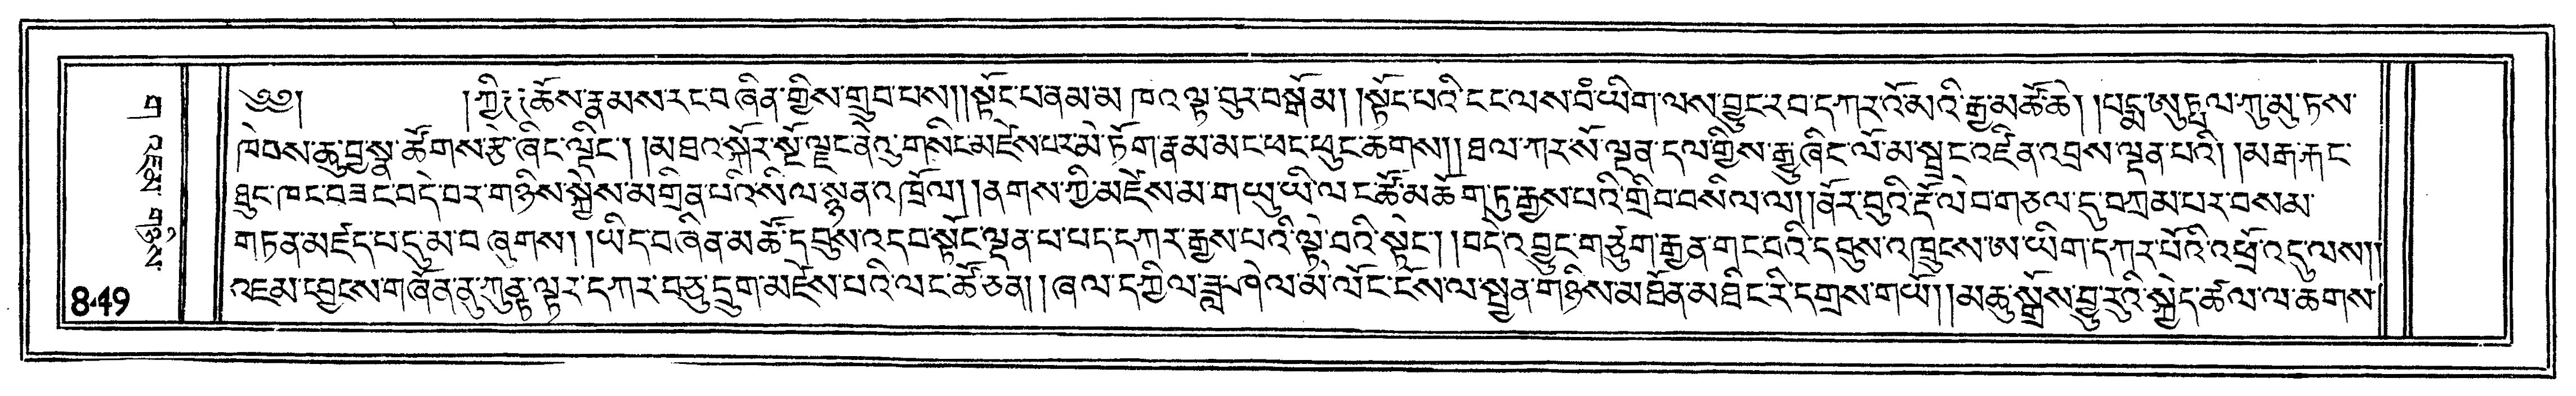༄༅། །ཀྱི། །ཆོས་རྣམས་རང་བཞིན་གྱིས་གྲུབ་པས། །སྟོང་པ་ནམ་མཁའ་ལྟ་བུར་བསྒོམ། །སྟོང་པའི་ངང་ལས་བཾ་ཡིག་ལས་བྱུང་རབ་དཀར་འོ་མའི་རྒྱ་མཚོ་ཆེ། །པདམ་ཨུཏྤལ་ཀུ་མུ་ཏས་
ཁེབས་ཆུ་བྱ་སྣ་ཚོགས་རྩེ་ཞིང་ལྡིང་། །མཐའ་སྐོར་སྔོ་ལྗང་ནེའུ་གསིང་མཛེས་པར་མེ་ཏོག་རྣམ་མང་ཕང་ཕུང་ཆགས། །ཐལ་ཀར་སོ་ལྡན་དལ་གྱིས་རྒྱུ་ཞིང་ལོ་མ་སྦྲང་འཛིན་འབྲས་ལྡན་པའི། །མརྒ་རྐང་
ཐུང་ཁང་བཟང་བདེ་བར་གཉིས་སྐྱེས་མགྲིན་པའི་སིལ་སྙན་འཁྲོལ། །ནགས་ཀྱི་མཛེས་མ་གཡུ་ཡི་ལང་ཚོ་མཆོག་ཏུ་རྒྱས་པའི་གྲིབ་བསིལ་ལ། །ནོར་བུའི་རྡོ་ལེབ་གཅལ་དུ་བཀྲམ་པར་བསམ་
གཏན་མཛད་པ་དུ་མ་བཞུགས། །ཡིད་བཞིན་མཚོ་དབུས་འདབ་སྟོང་ལྡན་པ་པད་དཀར་རྒྱས་པའི་ལྟེ་བའི་སྟེང་། །བདེ་འབྱུང་གཙུག་རྒྱན་གང་བའི་དབུས་འཁྲུངས་ཨ་ཡིག་དཀར་པོའི་འཕྲོ་འདུ་ལས།།
འཇམ་དབྱངས་གཞོན་ནུ་ཀུནྟ་ལྟར་དཀར་བཅུ་དྲུག་མཛེས་པའི་ལང་ཚོ་ཅན། །ཞལ་དཀྱིལ་ཟླ་ཤེལ་མེ་ལོང་ངོས་ལ་སྤྱན་གཉིས་མཐོན་མཐིང་རི་དགྲས་གཡོ། །མཆུ་སྒྲོས་བྱུ་རུའི་སྐྱེད་ཚལ་ལ་ཆགས་